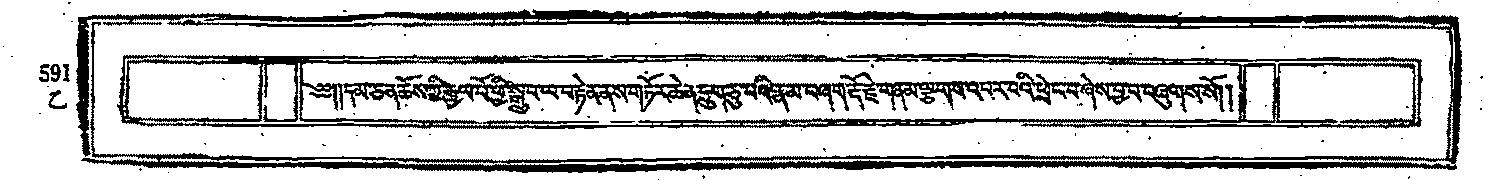༄༅། །དམ་ཅན་ཆོས་ཀྱི་རྒྱལ་པོ་ཕྱི་སྒྲུབ་ལ་བརྟེན་ནས་གཏོར་ཆེན་དྲུག་ཅུ་པའི་རྣམ་བཞག་རྡོ་རྗེ་གནམ་ལྕགས་འབར་བའི་ཕྲེང་བ་ཞེས་བྱ་བ་བཞུགས་སོ།།